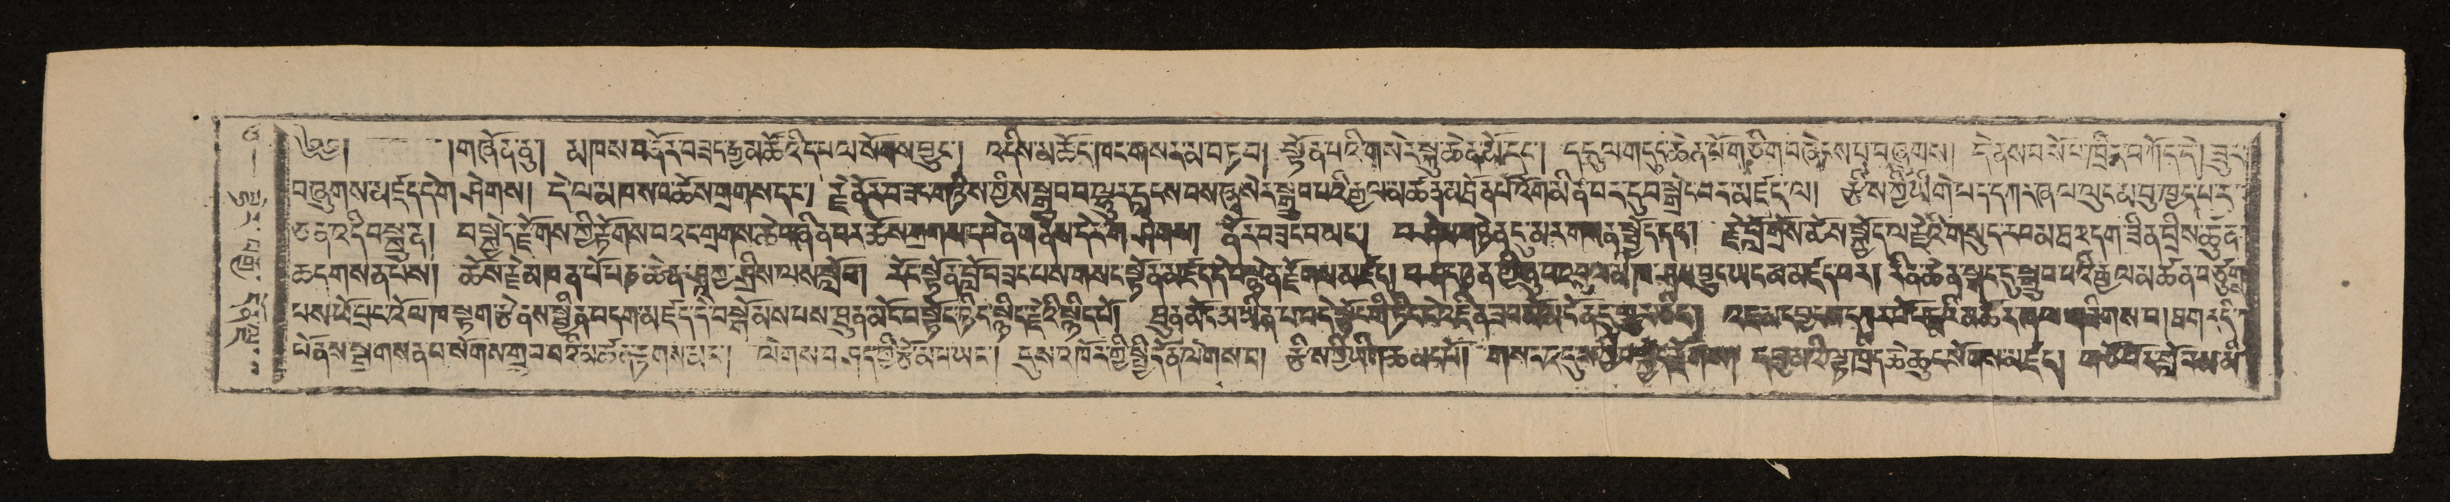༄༅། །གཞོན་ནུ། མཁས་པ་ནོར་བཟང་རྒྱ་མཚོའི་དཔལ་སོགས་བྱུང་། འདིས་མཆོད་ཁང་གསར་མ་བཏབ། སྟོན་པའི་གསེར་སྐུ་ཆེན་མོ་དང་། དངུལ་གདུང་ཆེན་པོ་གཅིག་བཞེངས་པ་བཞུགས། དེ་ནས་བསོ་བ་ཁྲིར་བཀོད་དེ། ཟུར་
བཞུགས་མཛད་དེ་གཤེགས། དེ་ལ་མཁས་པ་ཆོས་གྲགས་དང་། རྗེ་ནོར་བཟང་གཉིས་ཀྱིས་སྒྲུབ་པ་ལྷུར་བླངས་པས་ཞྭ་སེར་སྒྲུབ་པའི་རྒྱལ་མཚན་མཐོན་པོ་འོག་མིན་པར་དུ་བསྒྲེང་བར་མཛད་ལ། རྩིས་ཀྱི་ཡི་གེ་པད་དཀར་ཞལ་ཡུང་མ་བུ་ཁྱད་པར་
ཅན་འདི་བསྐྲུན། བསྐྱེད་རྫོགས་ཀྱི་རྟོགས་པའང་གྲགས་ཆེ་བཞིན་པར་ཆོས་གྲགས་དཔེན་གནས་དེར་གཤེགས། ནོར་བཟང་བ་ཡང་། བཤེས་གཉེན་དུ་མར་གསན་སྤྱོད་དང་། རྗེ་བློ་གྲོས་ཆོས་སྐྱོང་ལ་རྗེའི་གསུང་རབ་མཐའ་དག་ཟིན་བྲིས་ཚུན་
ཆད་གསན་པས། ཆོས་རྗེ་མཁན་པོ་པཎ་ཆེན་ཤཱཀྱ་ཤྲིས་ལས་སློབ། རོང་སྟོན་བློ་བཟང་པས་གསང་སྟོན་མཛད་དེ་བསྙེན་རྫོགས་མཛད། བཤད་ཉན་གྱི་ཞུ་བ་འབུལ་མི་ཁ་ཤས་བྱུང་ཡང་མ་མཛད་པར། རིན་ཆེན་སྒང་དུ་སྒྲུབ་པའི་རྒྱལ་མཚན་བཅུགས་
པས་ཕོ་བྲང་འོལ་ཁ་སྟག་རྩེ་ནས་སྦྱིན་བདག་མཛད་དེ་བསྒོམས་པས་ཐུན་མོང་བསྟོད་ཉིད་སྙིང་རྗེའི་སྙིང་པོ། ཐུན་མོང་མ་ཡིན་པ་བདེ་སྟོང་གི་ཏིང་ངེ་འཛིན་ཟབ་མོ་མངོན་དུ་གྱུར་ཅིང་། འཇམ་དབྱངས་དཀར་པོ་པདམའི་མཚོར་ཞལ་གཟིགས་པ། ཐག་རིང་
བོ་ནས་སྒ་གསན་པ་སོགས་གྲུབ་པའི་མཚན་རྟགས་མང་། ལེགས་བཤད་ཀྱི་རྩོམ་པ་ཡང་། དུས་འཁོར་གྱི་སྤྱི་དོན་ལེགས་པ། རྩིས་ཀྱི་ཡིག་ཆ་མང་པོ། གསང་འདུས་ཀྱི་བསྐྱེད་རྫོགས། དབུ་མའི་ལྷ་ཁྲིད་ཆེ་ཆུང་སོགས་མཛད། གཙོ་བོར་སློབ་མ་མི་